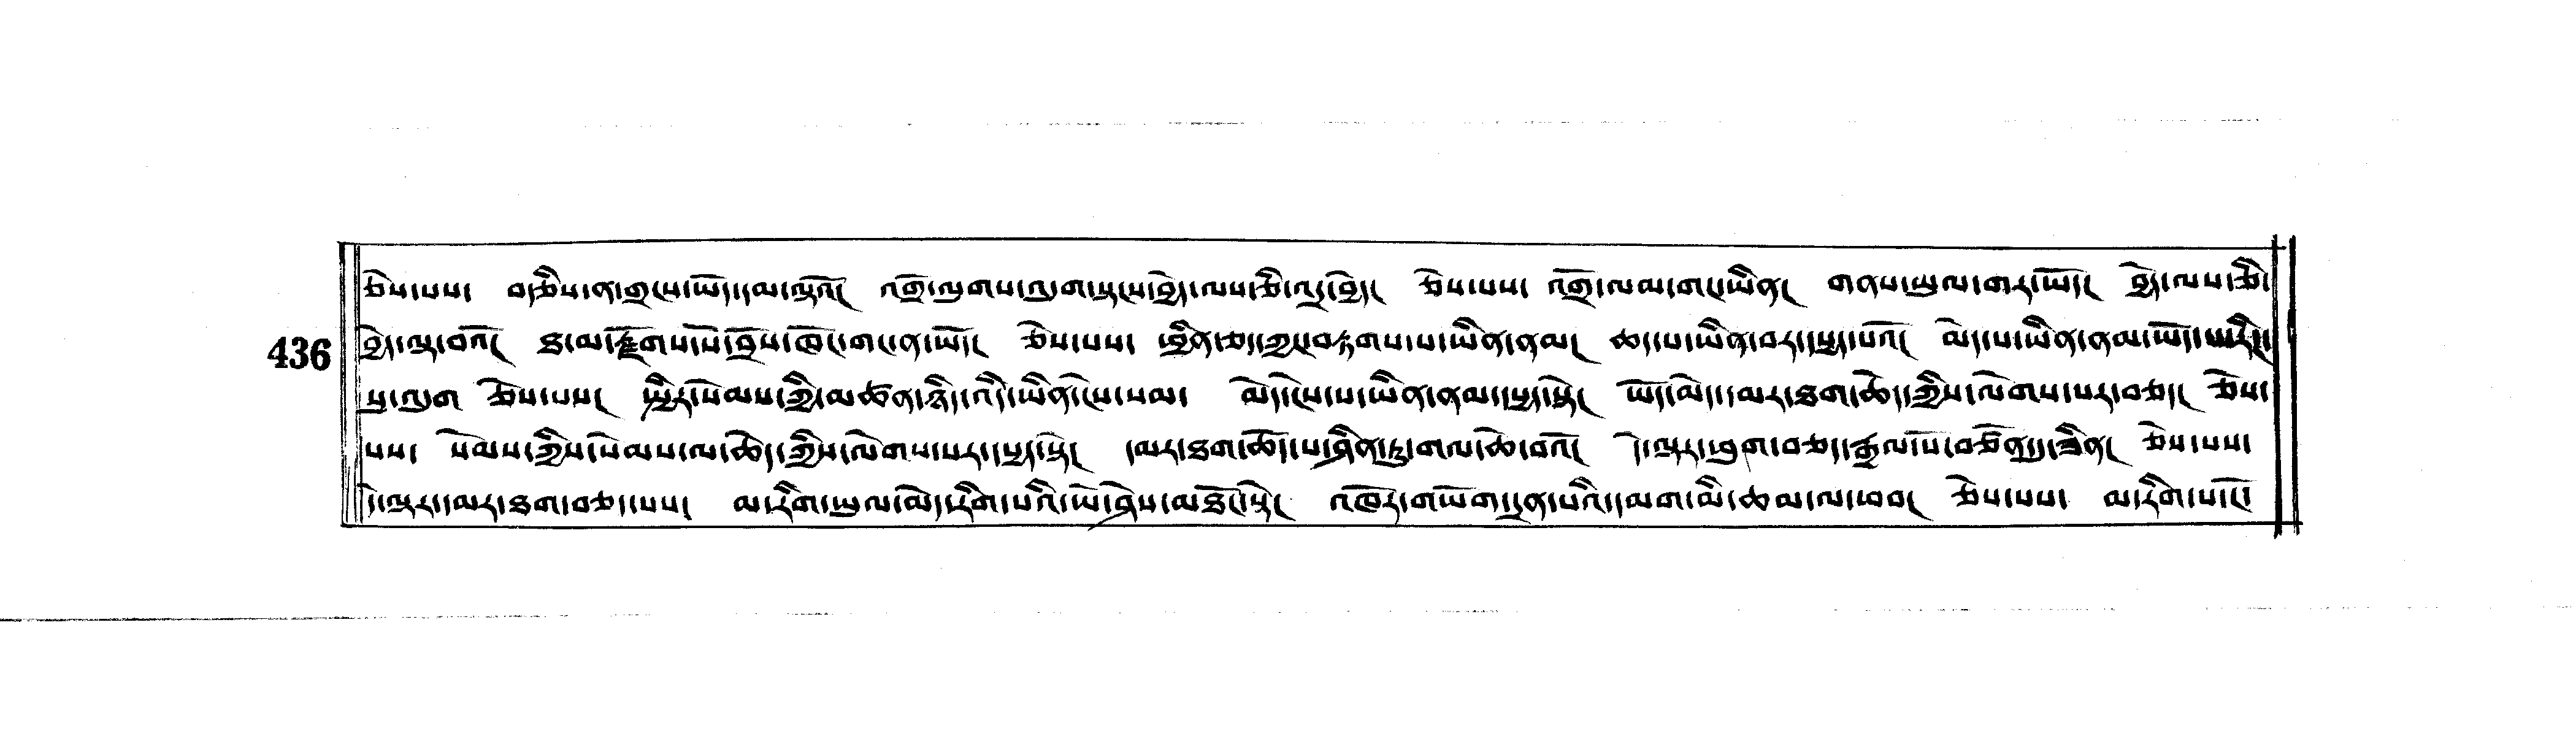ཅེས་པས། བརྩིས་ན་གྲངས་ཡོད་དམ་བལྟའོ། འགྲོ་ལུགས་འདུག་སྟངས་བྱེད་ལས་ཅི་འདྲ་བྱེད། ཅེས་པས། འགྲོ་ལམ་གང་ཡིན། གནས་ཡུལ་གར་ཡོད། བྱེད་ལས་ཅི 
བྱེད་ལྟ་བའོ། ཐ་མ་རྫོགས་སོ་བྲོས་ཁོང་གང་ན་ཡོད། ཅེས་པས། ཕྱིན་ཅད་ཀྱང་བརྟགས་པ་ཡིན་ནམ། ཆད་པ་ཡིན་པར་དཔྱད་པའོ། མེད་པ་ཡིན་ནམ་ཡོད་པ་རིགས་
སུ་འདུག ཅེས་པས། སྤྱིར་སེམས་ཀྱི་མཚན་ཉིད་འདི་ཡིན་ངེས་སམ། མེད་ངེས་པ་ཡིན་ནམ་དཔྱད་སྟེ། ཡོད་མེད་དམར་ཐག་ཁྱོད་ཀྱིས་ལེགས་པར་བཅད། ཅེས་
པས། སེམས་ཀྱིས་སེམས་ལ་ཆེད་ཀྱིས་ལེགས་པར་དཔྱད་དེ། དམར་ཐག་ཆོད་པ་ཤིན་ཏུ་གལ་ཆེ་བའོ། དེ་ལྟར་ཕུག་བཅད་རྒྱལ་པོ་བཙོན་དུ་ཟིན། ཅེས་པས་
དེ་ལྟར་དམར་ཐག་བཅད་པས། མ་རིག་ཡུལ་མེད་རིག་པའི་ཡེ་ཤེས་མཐོང་སྟེ། འཁོར་གཡོག་དྲན་པའི་དམག་མི་ཆམ་ལ་ཕབ། ཅེས་པས། མ་རིག་པ་ངོ་